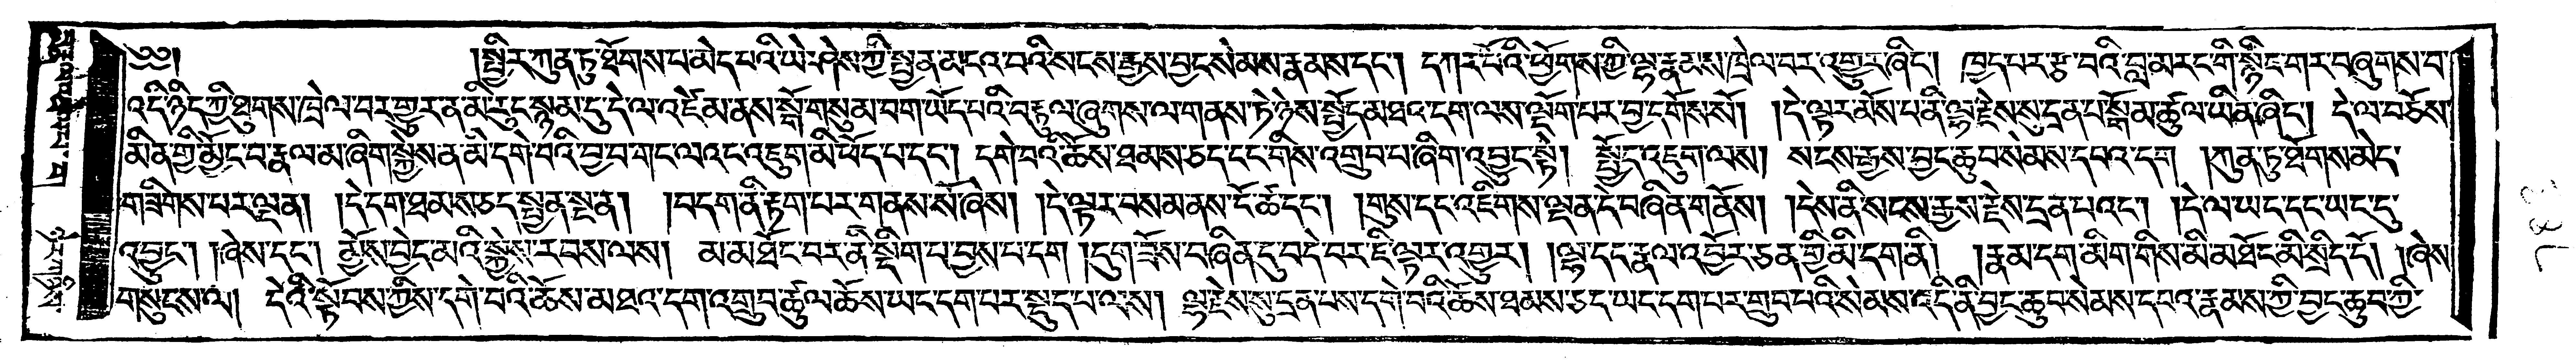༄༅། །སྤྱིར་ཀུན་ཏུ་ཐོགས་པ་མེད་པའི་ཡེ་ཤེས་ཀྱི་སྤྱན་མངའ་བའི་སངས་རྒྱས་བྱང་སེམས་རྣམས་དང་། དཀར་པོའི་ཕྱོགས་ཀྱི་ལྷ་རྣམས་ཁྲེལ་བར་འགྱུར་ཞིང་། ཁྱད་པར་རྩ་བའི་བླ་མ་རང་གི་སྙིང་གར་བཞུགས་པ་
འདི་ཉིད་ཀྱི་ཐུགས་ཁྲེལ་བར་གྱུར་ན་མི་རུང་སྙམ་དུ་དེ་ལ་འཛེམ་ནས་སྒོ་གསུམ་པ་གཡོད་པའི་བརྟུལ་ཞུགས་ལ་གནས་ཏེ་ཉེས་སྤྱོད་མཐའ་དག་ལས་ལྡོག་པར་བྱ་དགོས་སོ། །དེ་ལྟར་མོས་པ་ནི་ལྷ་རྗེས་སུ་དྲན་པ་སྒོམ་ཚུལ་ཡིན་ཞིང་། དེ་ལ་བཅོས་
མིན་གྱི་མྱོང་བ་རྣལ་མ་ཞིག་སྐྱེས་ན་མི་དགེ་བའི་བྱ་བ་གང་ལའང་འཇུག་མི་ཕོད་པ་དང་། དགེ་བའི་ཆོས་ཐམས་ཅད་ངང་གིས་འགྲུབ་པ་ཞིག་འབྱུང་སྟེ། སྤྱོད་འཇུག་ལས། སངས་རྒྱས་བྱང་ཆུབ་སེམས་དཔའ་དག །ཀུན་ཏུ་ཐོགས་མེད་
གཟིགས་པར་ལྡན། །དེ་དག་ཐམས་ཅད་སྤྱན་སྔ་ན། །བདག་ནི་རྟག་པར་གནས་སོ་ཞེས། །དེ་ལྟར་བསམ་ནས་ངོ་ཚ་དང་། །གུས་དང་འཇིགས་ལྡན་དེ་བཞིན་དངོས། །དེས་ནི་སངས་རྒྱས་རྗེས་དྲན་པའང་། །དེ་ལ་ཡང་དང་ཡང་དུ་
འབྱུང་། །ཞེས་དང་། མྱོས་བྱེད་མའི་སྐྱེས་རབས་ལས། མ་མཐོང་བར་ནི་སྡིག་པ་བྱས་པ་དག །དུག་ཟོས་བཞིན་དུ་བདེ་བར་ཇི་ལྟར་འགྱུར། །ལྷ་དང་རྣལ་འབྱོར་ཅན་གྱི་མི་དག་ནི། །རྣམ་དག་མིག་གིས་མི་མཐོང་མི་སྲིད་དོ། །ཞེས་
གསུངས་ལ། དེའི་སྟོབས་ཀྱིས་དགེ་བའི་ཆོས་མཐའ་དག་འགྲུབ་ཚུལ་ཆོས་ཡང་དག་པར་སྡུད་པ་ལས། ལྷ་རྗེས་སུ་དྲན་པས་དགེ་བའི་ཆོས་ཐམས་ཅད་ཡང་དག་པར་གྲུབ་པའི་སེམས་འདི་ནི་བྱང་ཆུབ་སེམས་དཔའ་རྣམས་ཀྱི་བྱང་ཆུབ་ཀྱི་